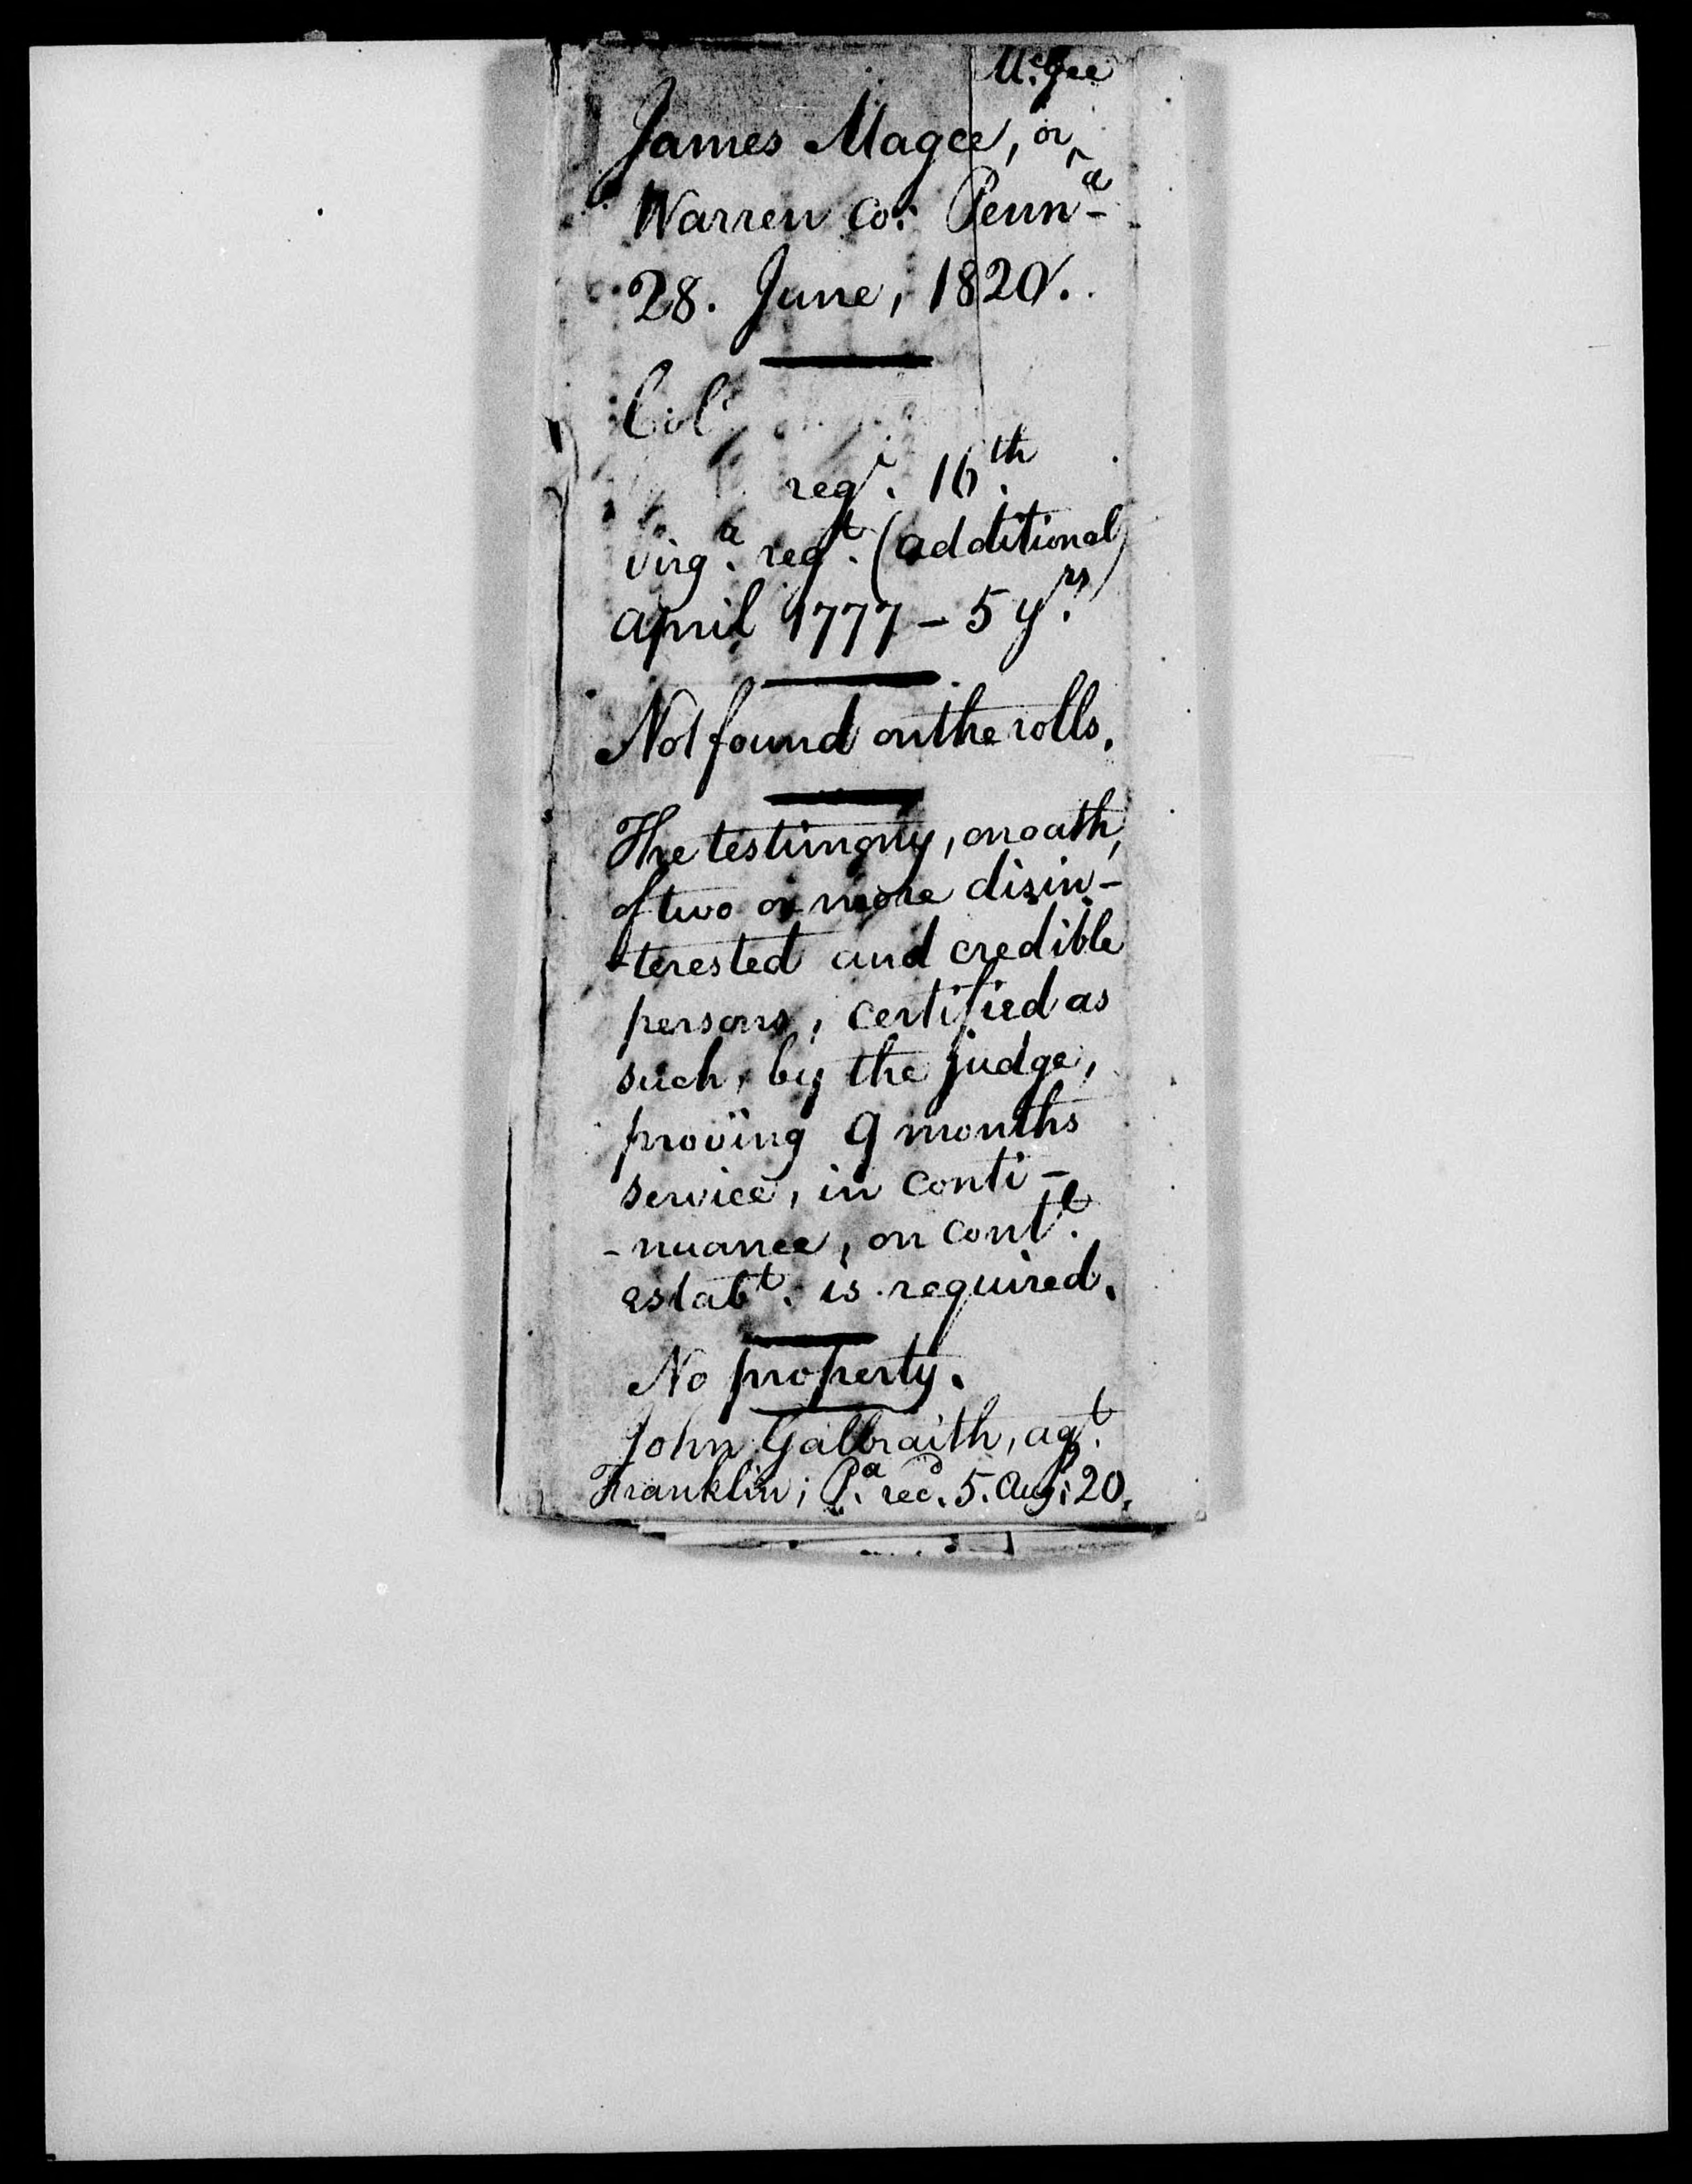James Magee or McGee
Warren Co. Penn -
28 June, 1820
-----
Col
regt 16th  (sic regiment)
virg. regt (additional) (sic Virginia regiment)
April 1777 - 5 yrs
----------
Not found on the rolls.
-------
The testimony on oath
of two or more disinterested and 
credible persons, certified as
such & by the judge,
proving 9 months
service, in continuance, on
contd estab, is required.
---
No property.

John Galbraith, agt
Franklin, PA  rec 5 Aug: 20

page: 53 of 77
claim: widow's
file: W 2954, for James Mc Gee, Delaware